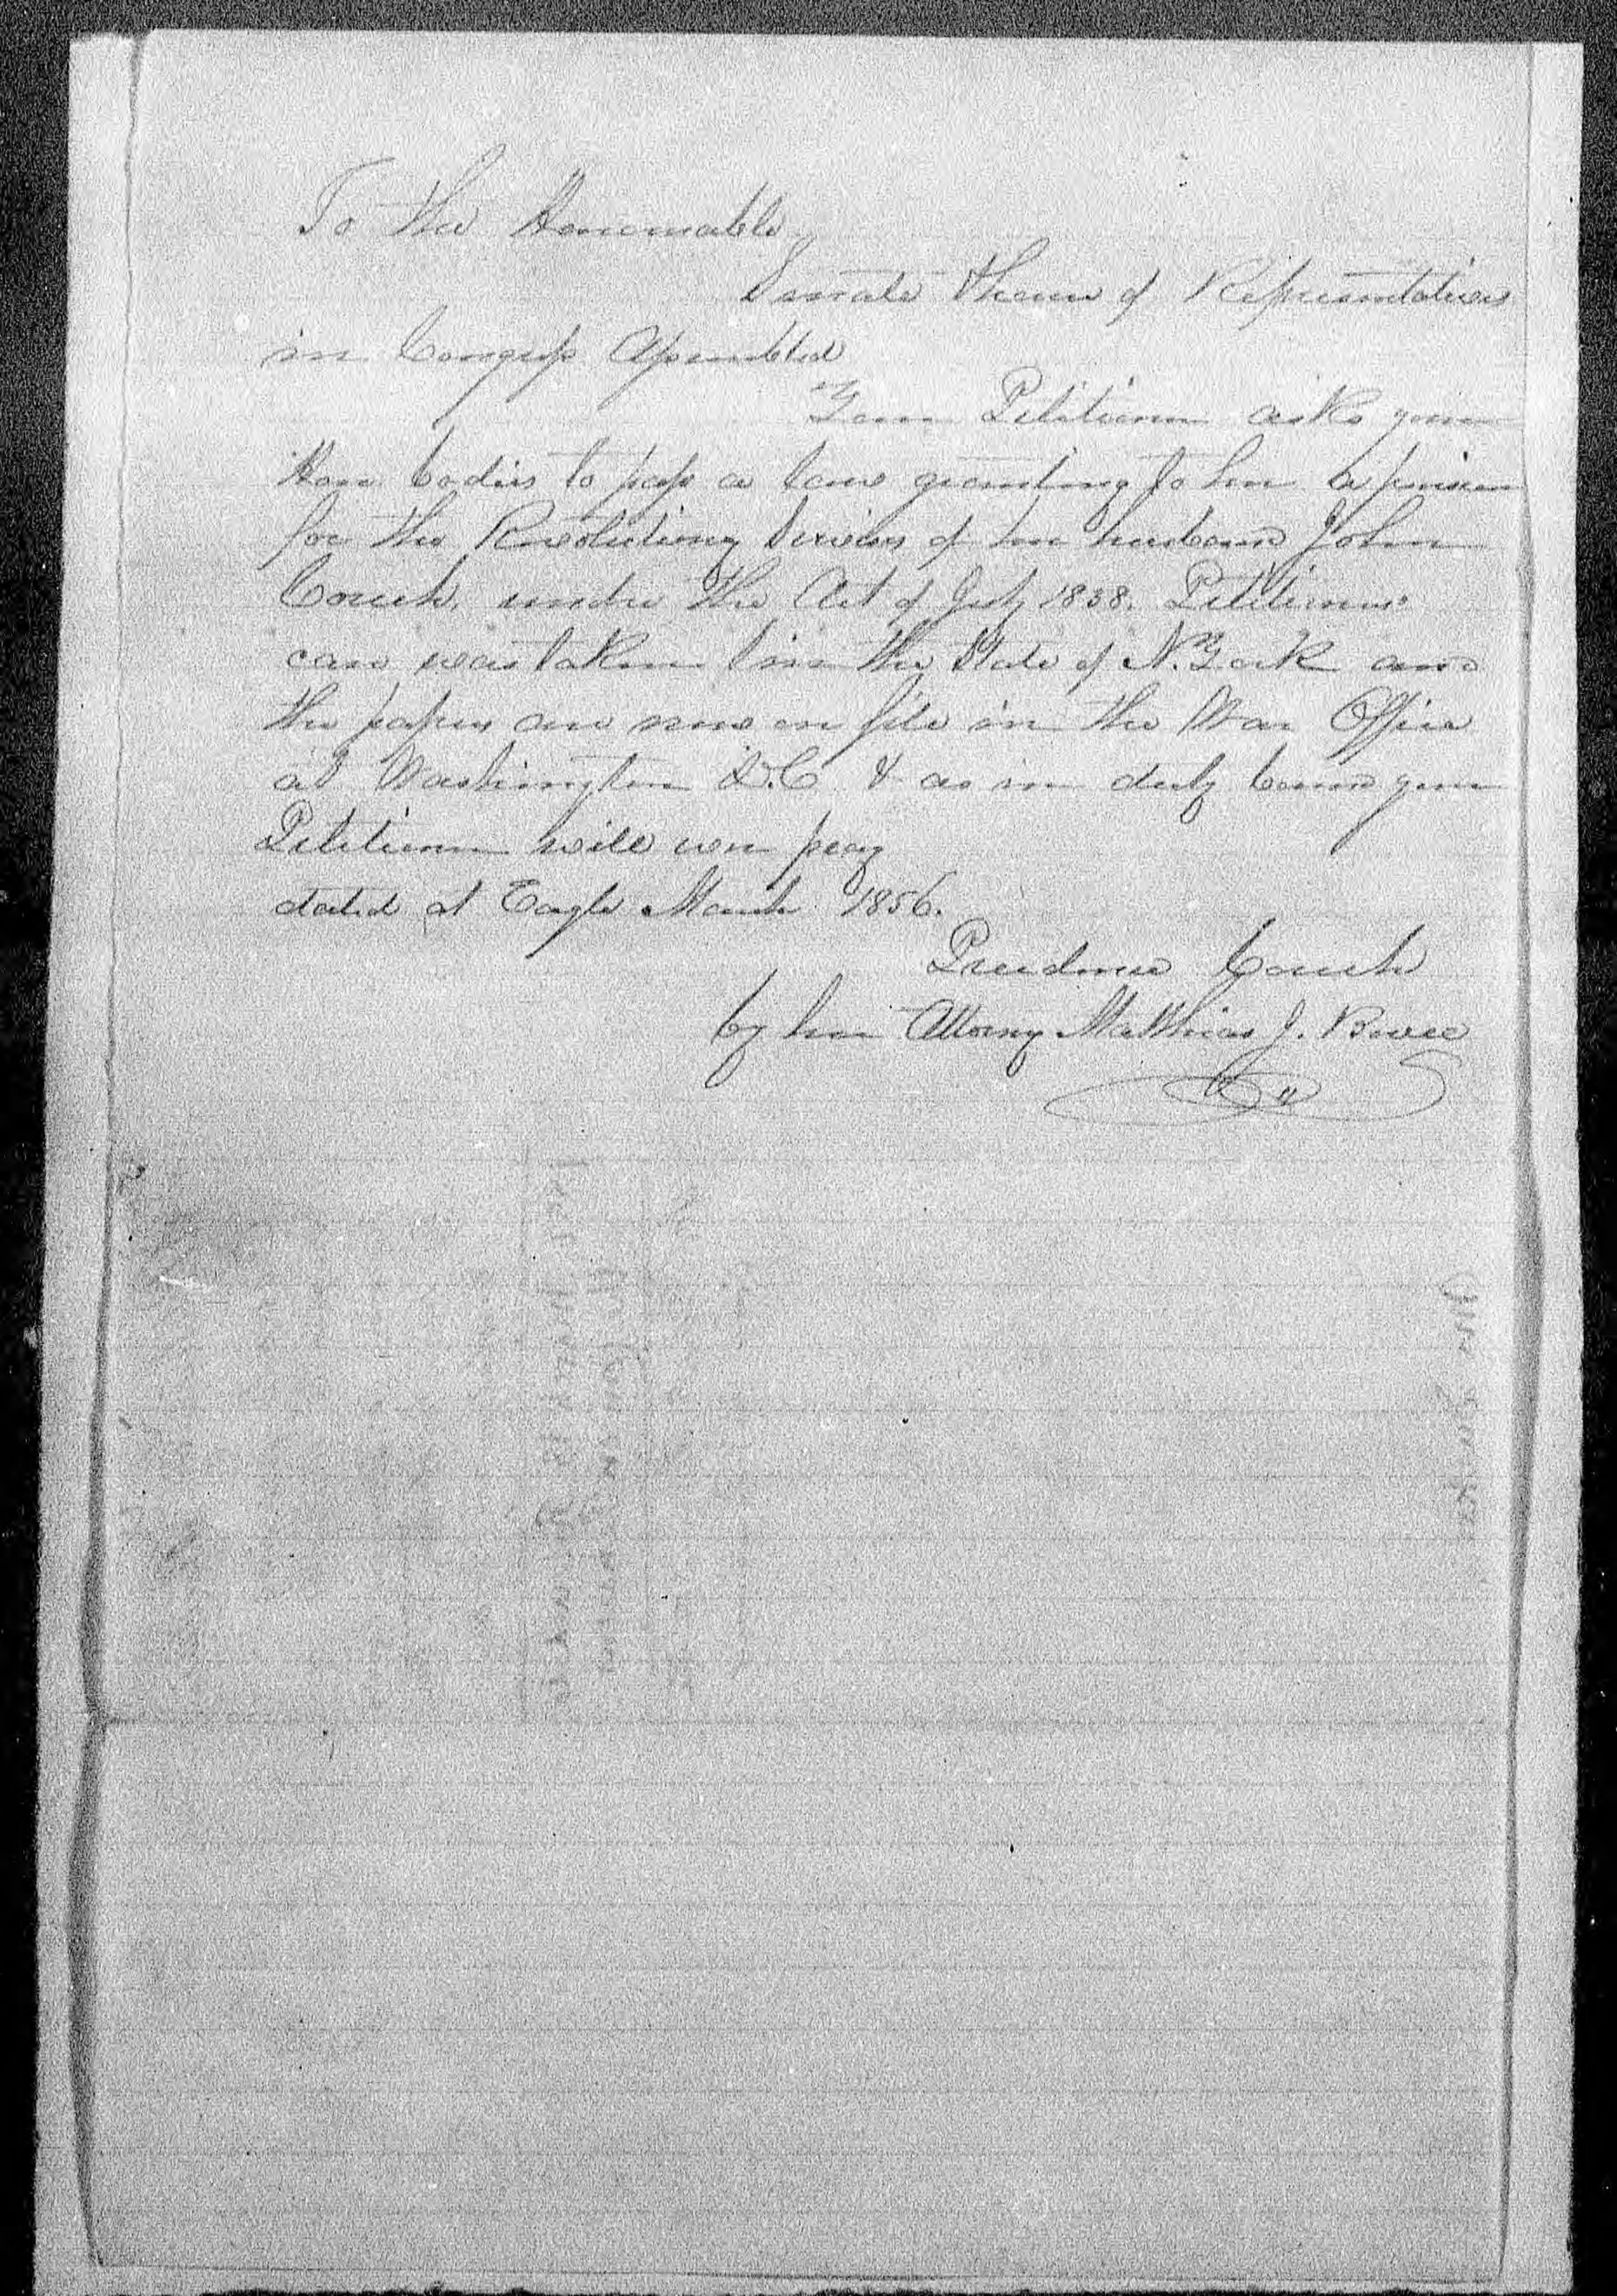To the Honorable Senate & House of Representatives
in Congress Assembled

? Petitioner asks your House bodies to ? a leave granting to her a pension for the Revolutionary Services of her husbund John Couch, under the Act of July 1838. Petitioner's case ? taken the State of N York and her papers are now on file in the War Office at Washington D.C. & as in clearly ? your Petitioner resides was ?
dated at Eagle March 1856
Prudence Couch by her Attorney Matthias J. Bovee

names: Matthias J Bovee, Prudence Couch, John Couch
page: 60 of 68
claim: rejected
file: R. 2,360, John Couch, Conn.